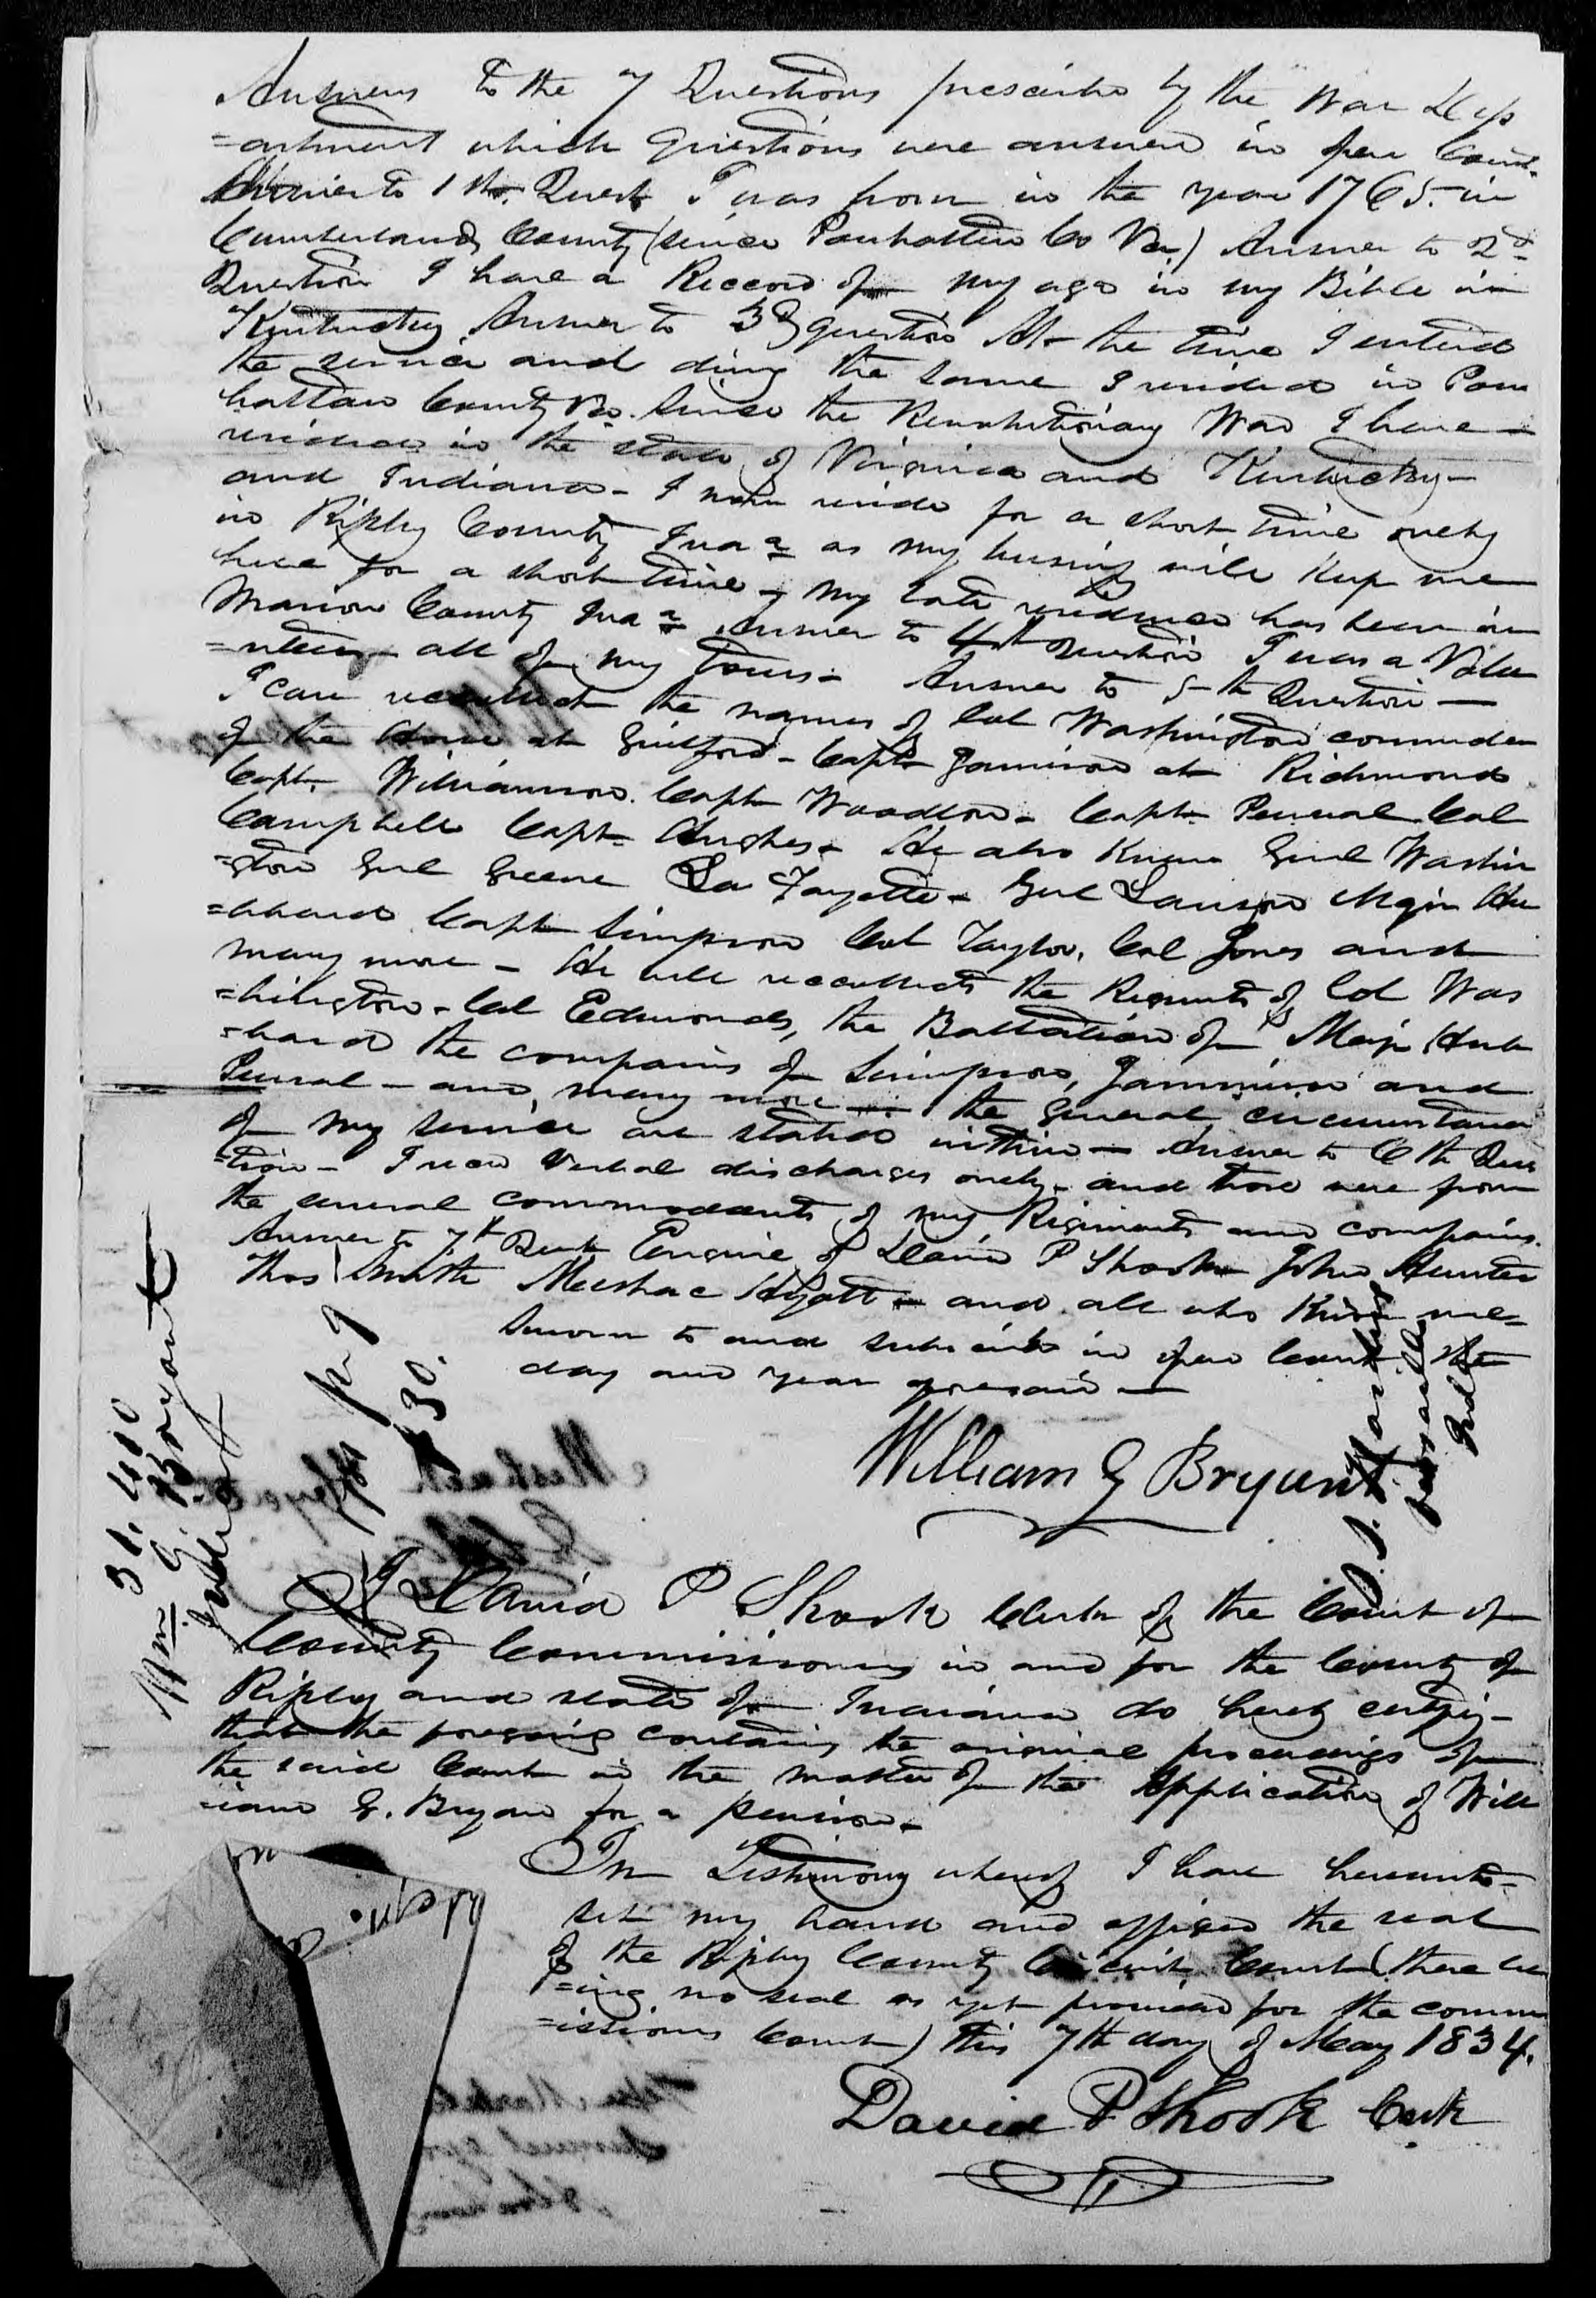Answers to the 7 questions prescribed by the War Department which questions were answer in open Court
Answer to 1st Quest  I was born in the year 1765 in Cumberland County (since Powhatten Co Va.)
Answer to 2d Question I have a record of my age in my Bible in Kentucky
Answer to 3d question  At the time I entered the service and during the same I resided in Powhattan County Va. Since the Revolutionary War I have resided in the state of Virginia and Kentucky and Indiana - I now reside for a short time only in Ripley County Inda. as my business will keep me here for a short time - my late residence has been in Marion County Inda.
Answer to 4th Question  I was a Volunteer all of my tours
Answer to 5th question  I can recollect the names of Col. Washington commander of the Horse at Guilford - Capt. Jamison at Richmond Capt. Williamson Capt. Wardlow Capt. Purnal Col. Campbell Capt. Hughes.  He also knew Genl. Washington Genl. Greene LaFayette & Genl. Lawson Major Burkhard Capt. Simpson Col. Taylor Col. Jones and many more.  He well recollects the regiment of Col. Washington Col. Edmonds, the Battalion of Major Hubbard the companies of Simpson, Jamison and Leural - and many more - the general circumstance of my service are stated within
Answer to 6th Question  I now verbal discharges only and those were from the several commodants of my Regiments and companies
Answer to 7th Quest  Enguire of David P. Shook John Hunter Thos. Smith Meeshac Hyatt and all who know me
Sworn to and subscribed in open court the day and year aforesaid
William G. Bryant

I David P. Shook Clerk of the Court of County Commissioners in and for the Count of Ripley and state of Indiana do hereby certify that the foregoing contains the original proceedings of the said Court in the matter of the Application of William D. Bryan for a pension.
In testimony whereof I have hereunto set my hand and affixed the seal of the Ripley County Circuit Court 9there being no seal as yet provided for the commissions Court) this 7th day of May 1834.
David P. Shook  Clerk

[SEAL]


31,310
Wm. G. Bryant
Indiana
Vol 1 p 9
$30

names: Lawson, Washington, Edwards, Davis P Shook, Simpson, John Hunter, Washington, David P Shook, Hughes, David P Shook, Wm G Bryant, Campbell, William G Bryant, Greene, Purnal, Jones, Woodson, Meshac Hyatt, La Fayette, Hubbard, Washington, Taylor, Williamson, S S Harding, Thos Smith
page: 6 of 31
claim: survivor's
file: S. 3049, William G Bryant, Va.